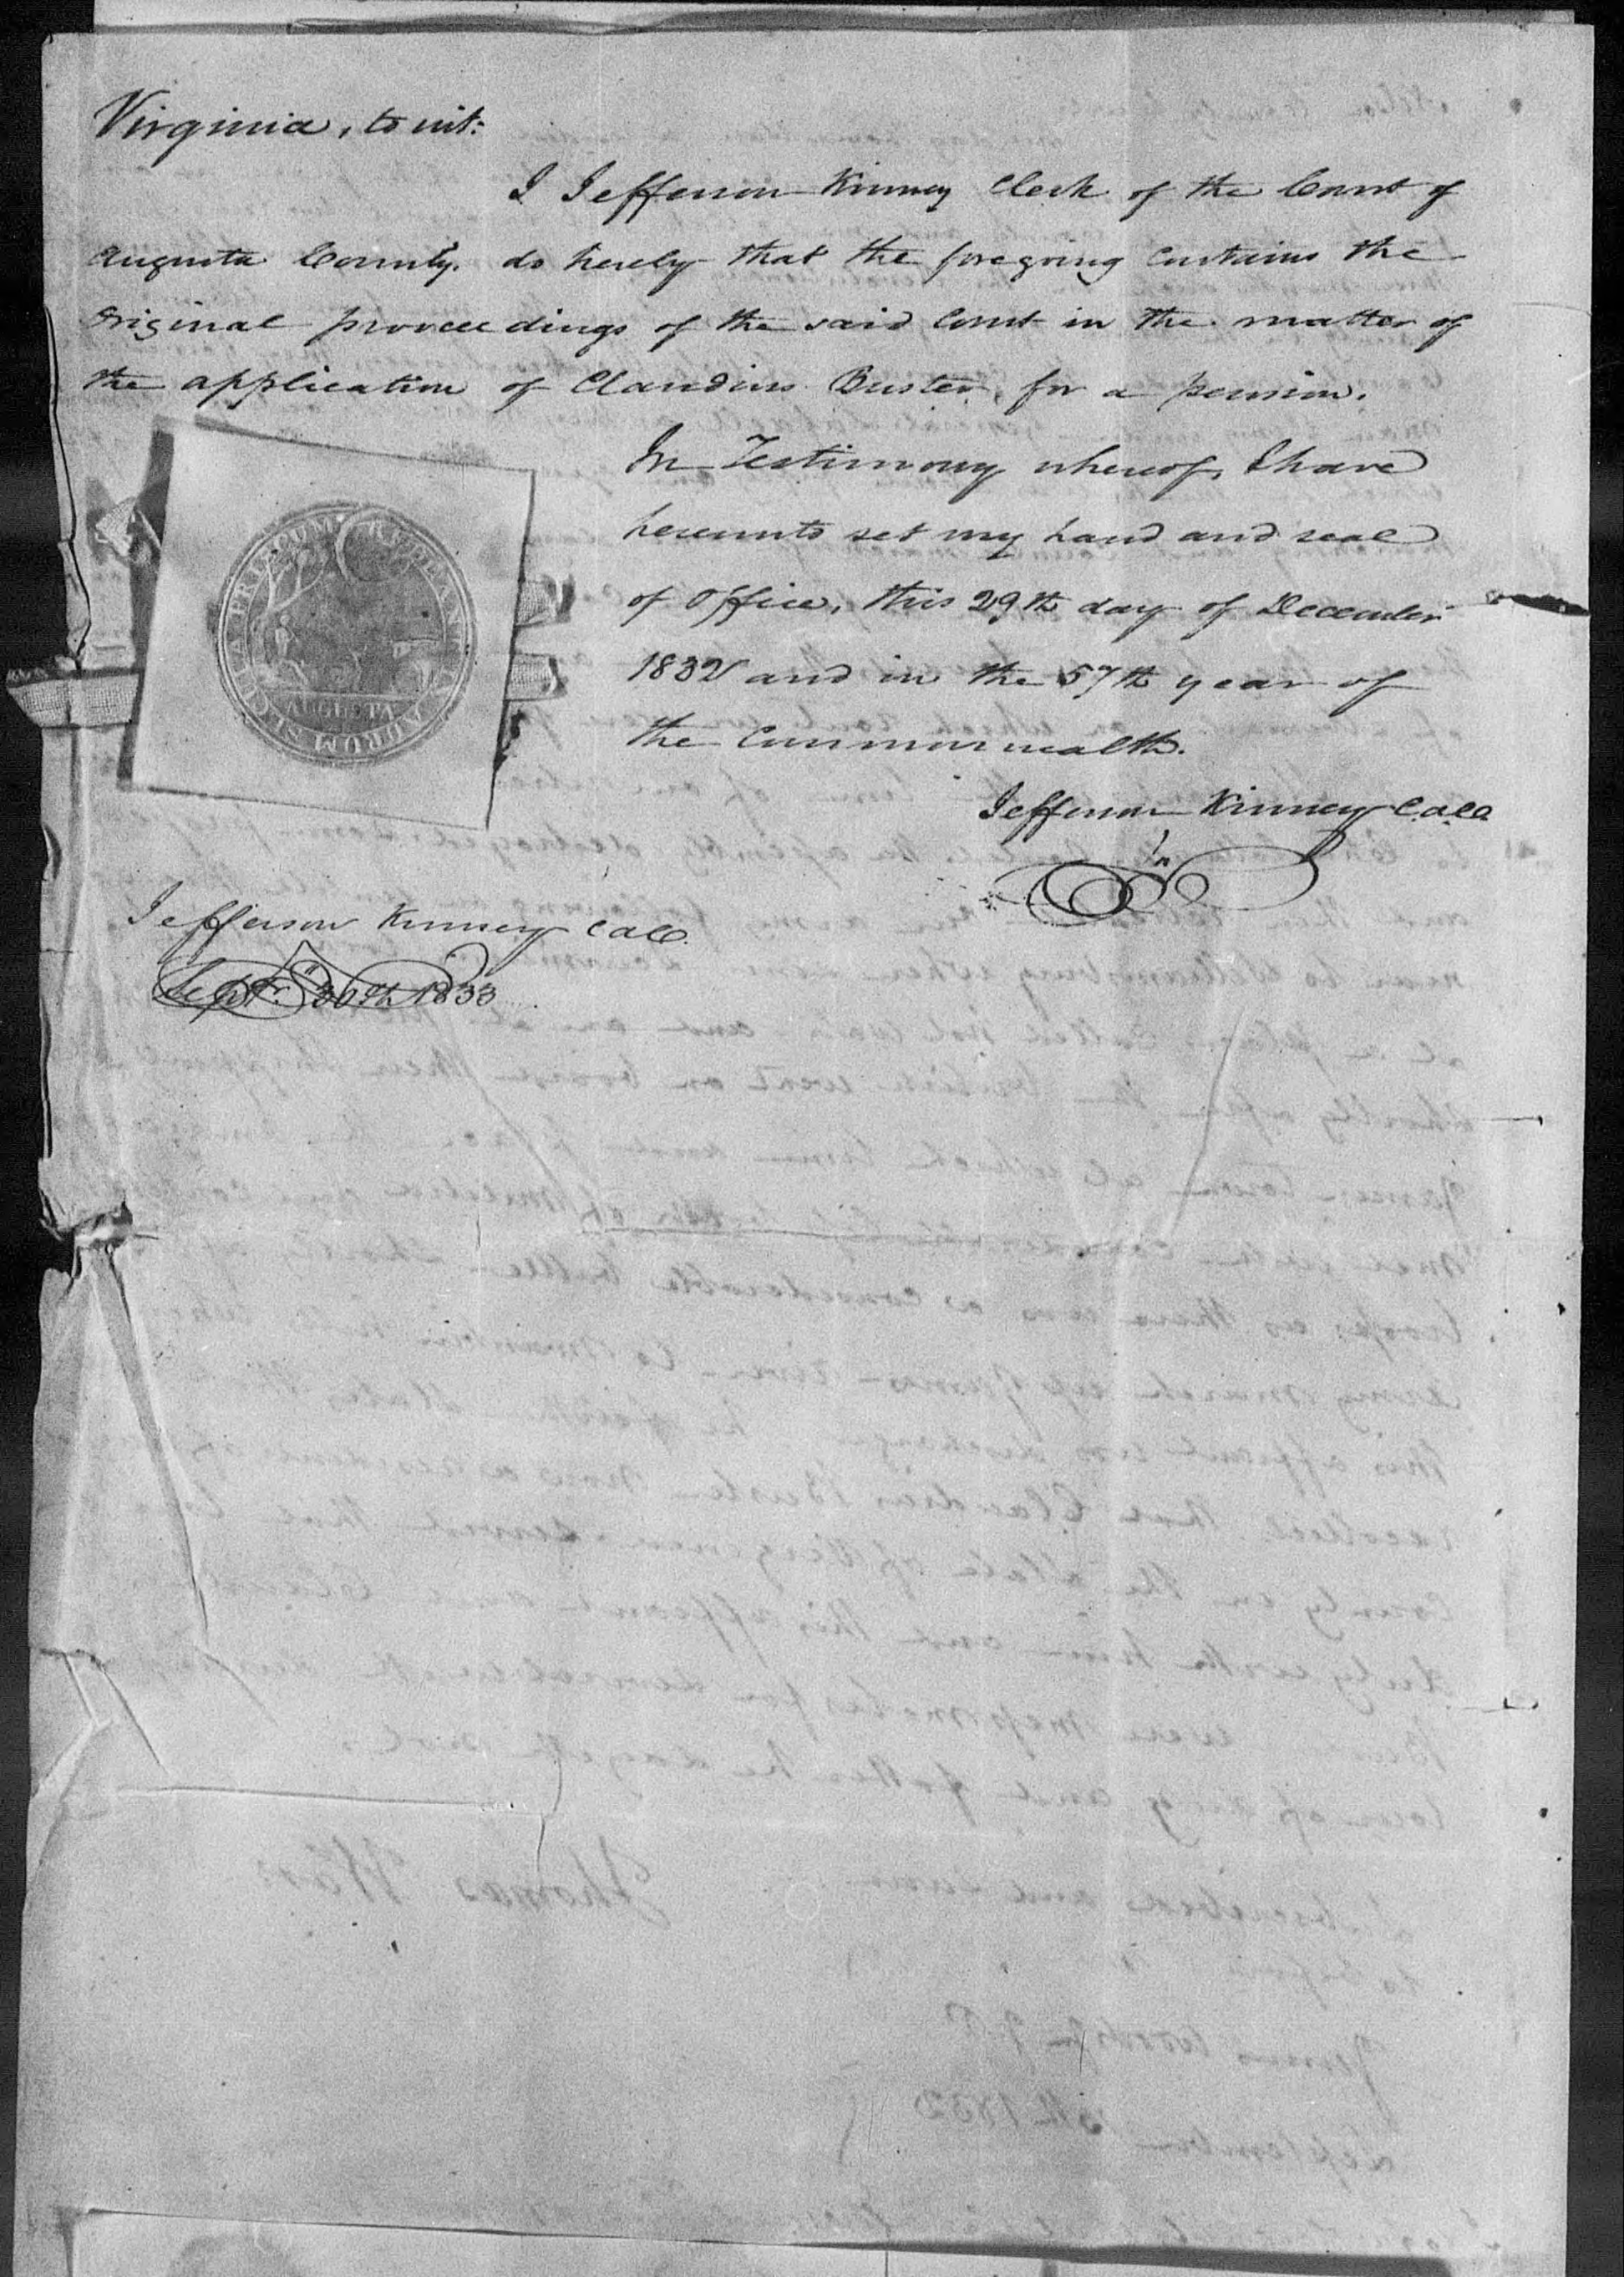Virginia, to wit:

I Jefferson Kinney Clerk of the Court of Augusta County do hereby (sic) that the foregoing contains the origininal proceedings of the said court in the matter of the application of Claudius Buster for a pension.

In Testimony whereof I have hereunto set my hand and seal of office, this 29th day of December 1832 and in the 57th year of the Commonwealth.

Jefferson Kinney CaC

PRISCUM REDEANT AURUM SECULA
AUGUSTA [embossed seal]

Jefferson Kinney CaC
Sept.r 26th 1833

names: Jefferson Kinney, Jefferson Kinney, Jefferson Kinney, Claudius Buster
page: 46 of 71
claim: widow's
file: W. 25310, Claudius Buster, Va.